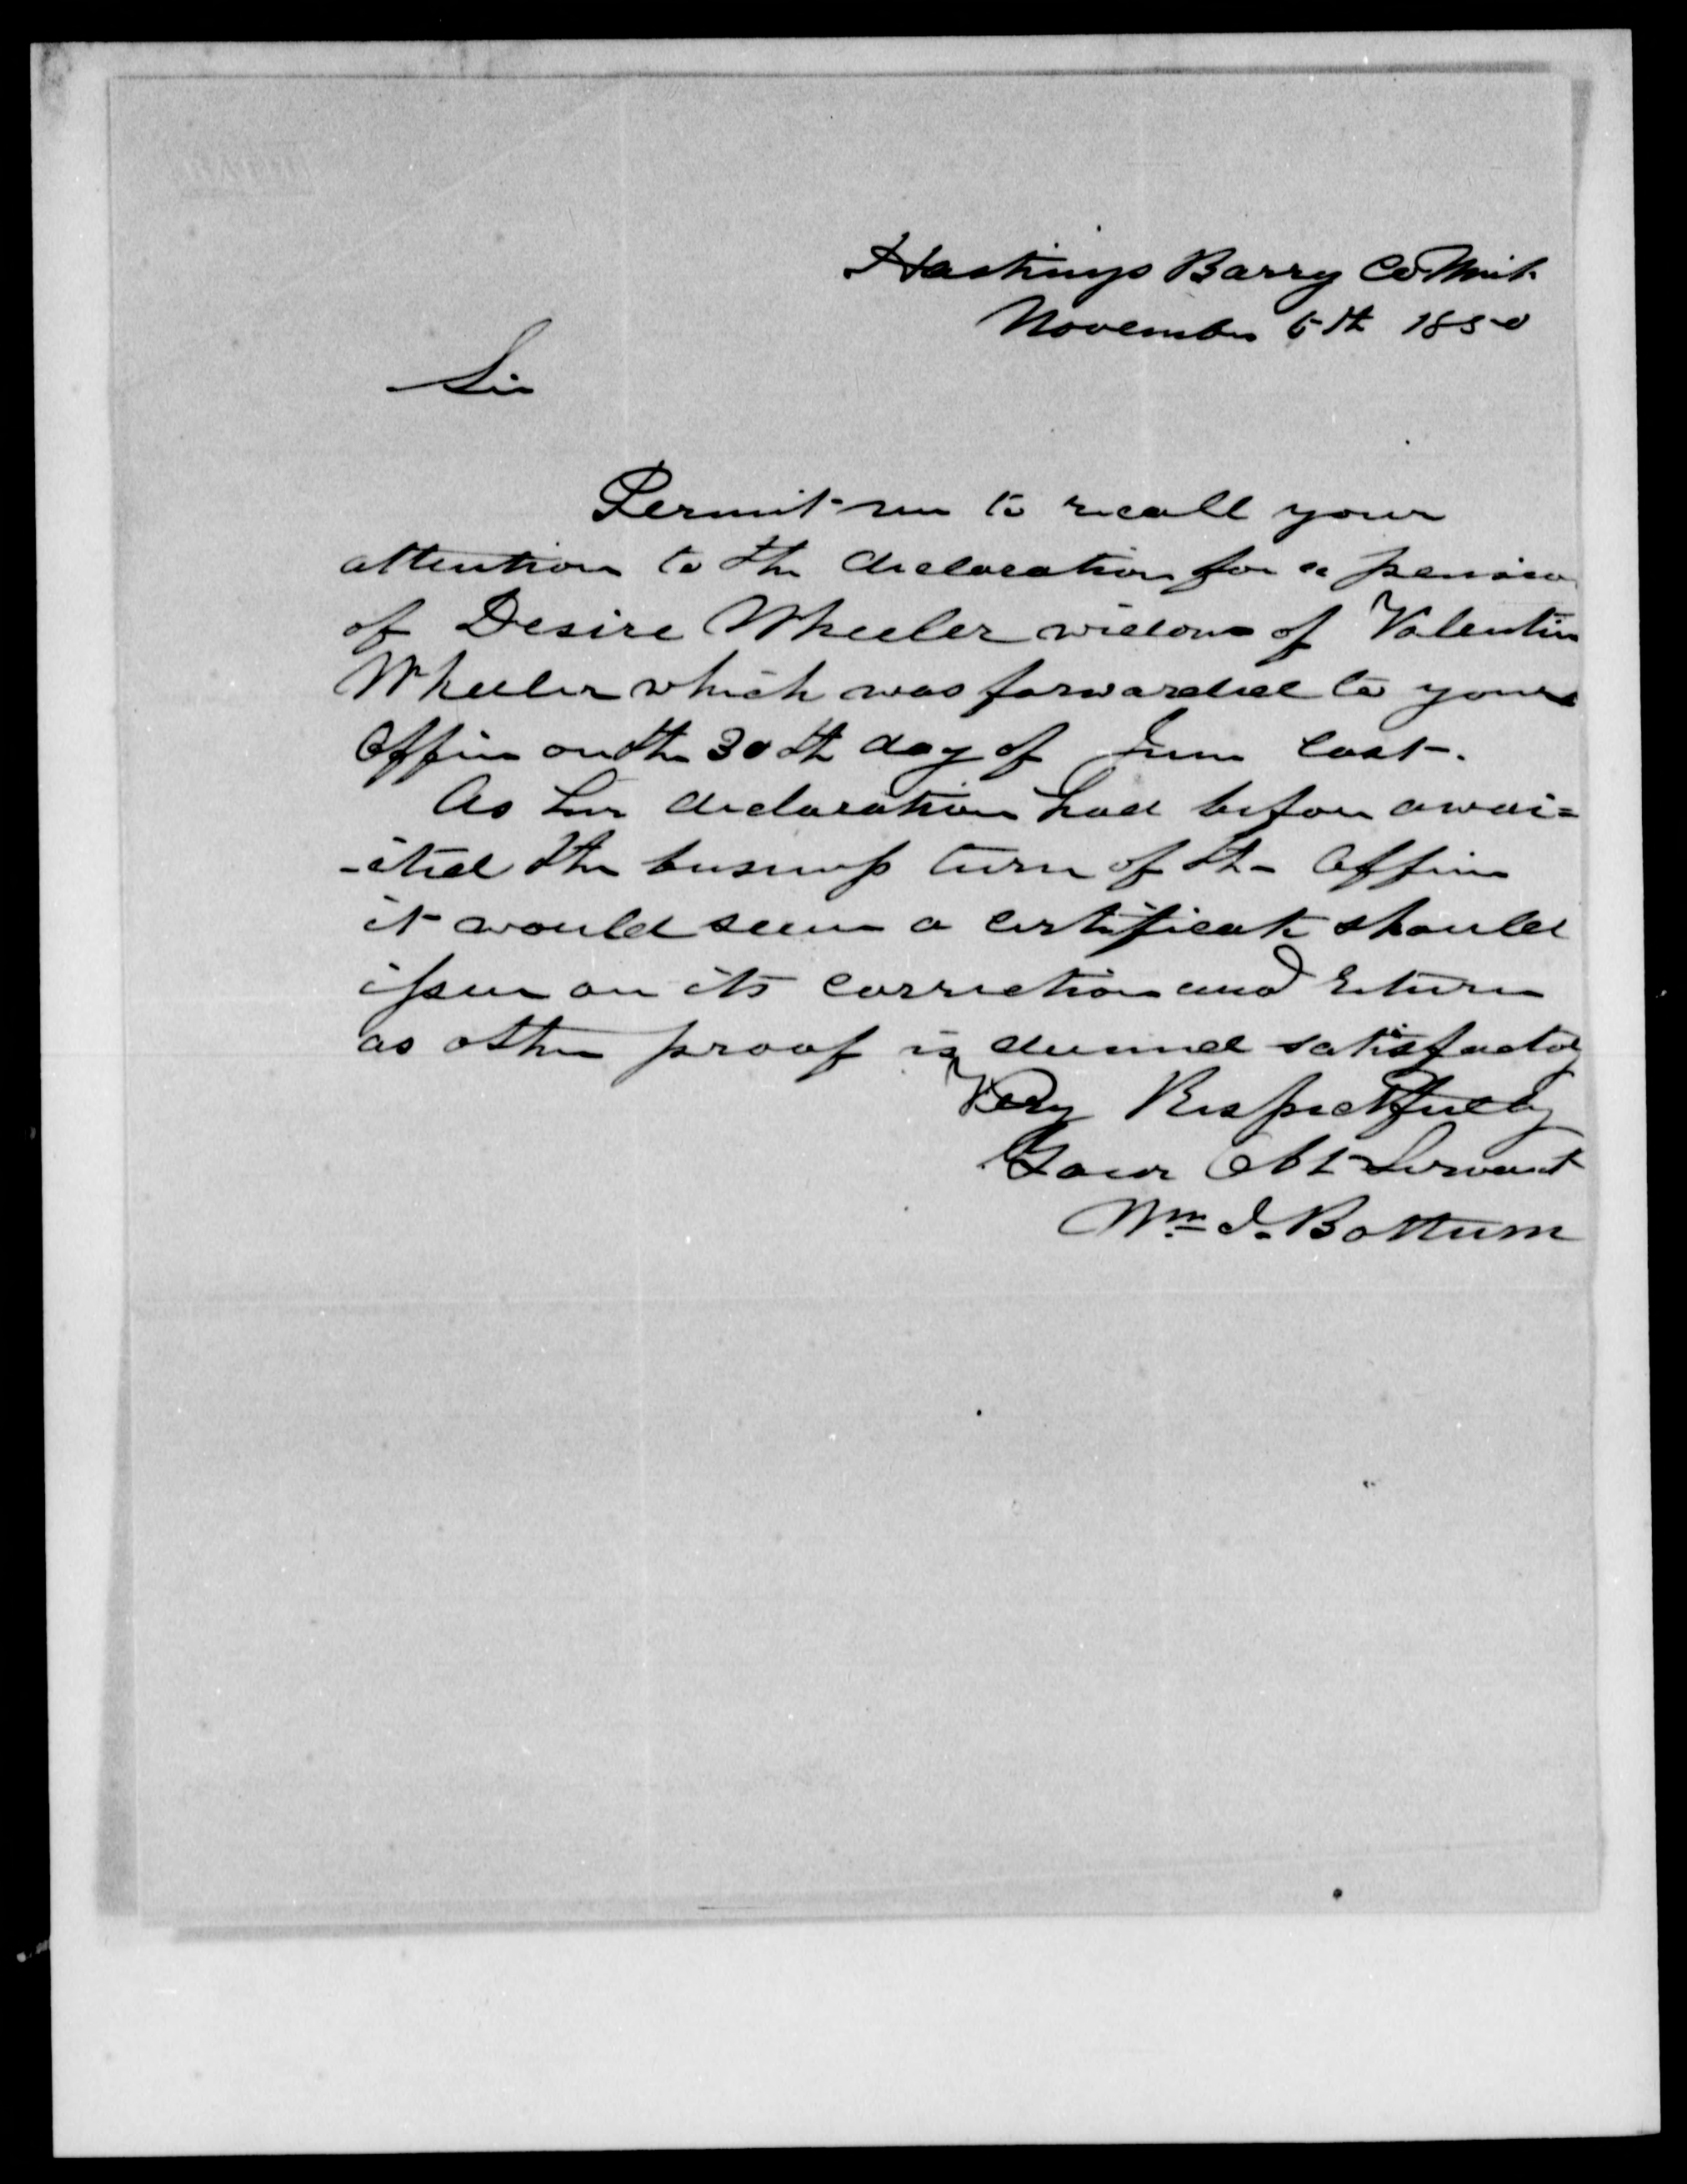hastings Barry Co. Mich
November 6th 1850

Sir
Permit me to recall your attention to the declaration for a pension of Desire Wheeler widow of Valentine Wheeler which was forwarded to your office on the 30th day of June last.
As her declaration had before awaited the business turn of the office it would seem a certificate should issue on its correction and return as the proof is deemed satisfactory.
Very respectfully
Your obt. servt.
Wm. J. Bottum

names: Wm J Bottum, Desire Wheeler, Valentine Wheeler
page: 65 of 98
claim: widow's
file: W. 1682, Valentine Wheeler, Mass.